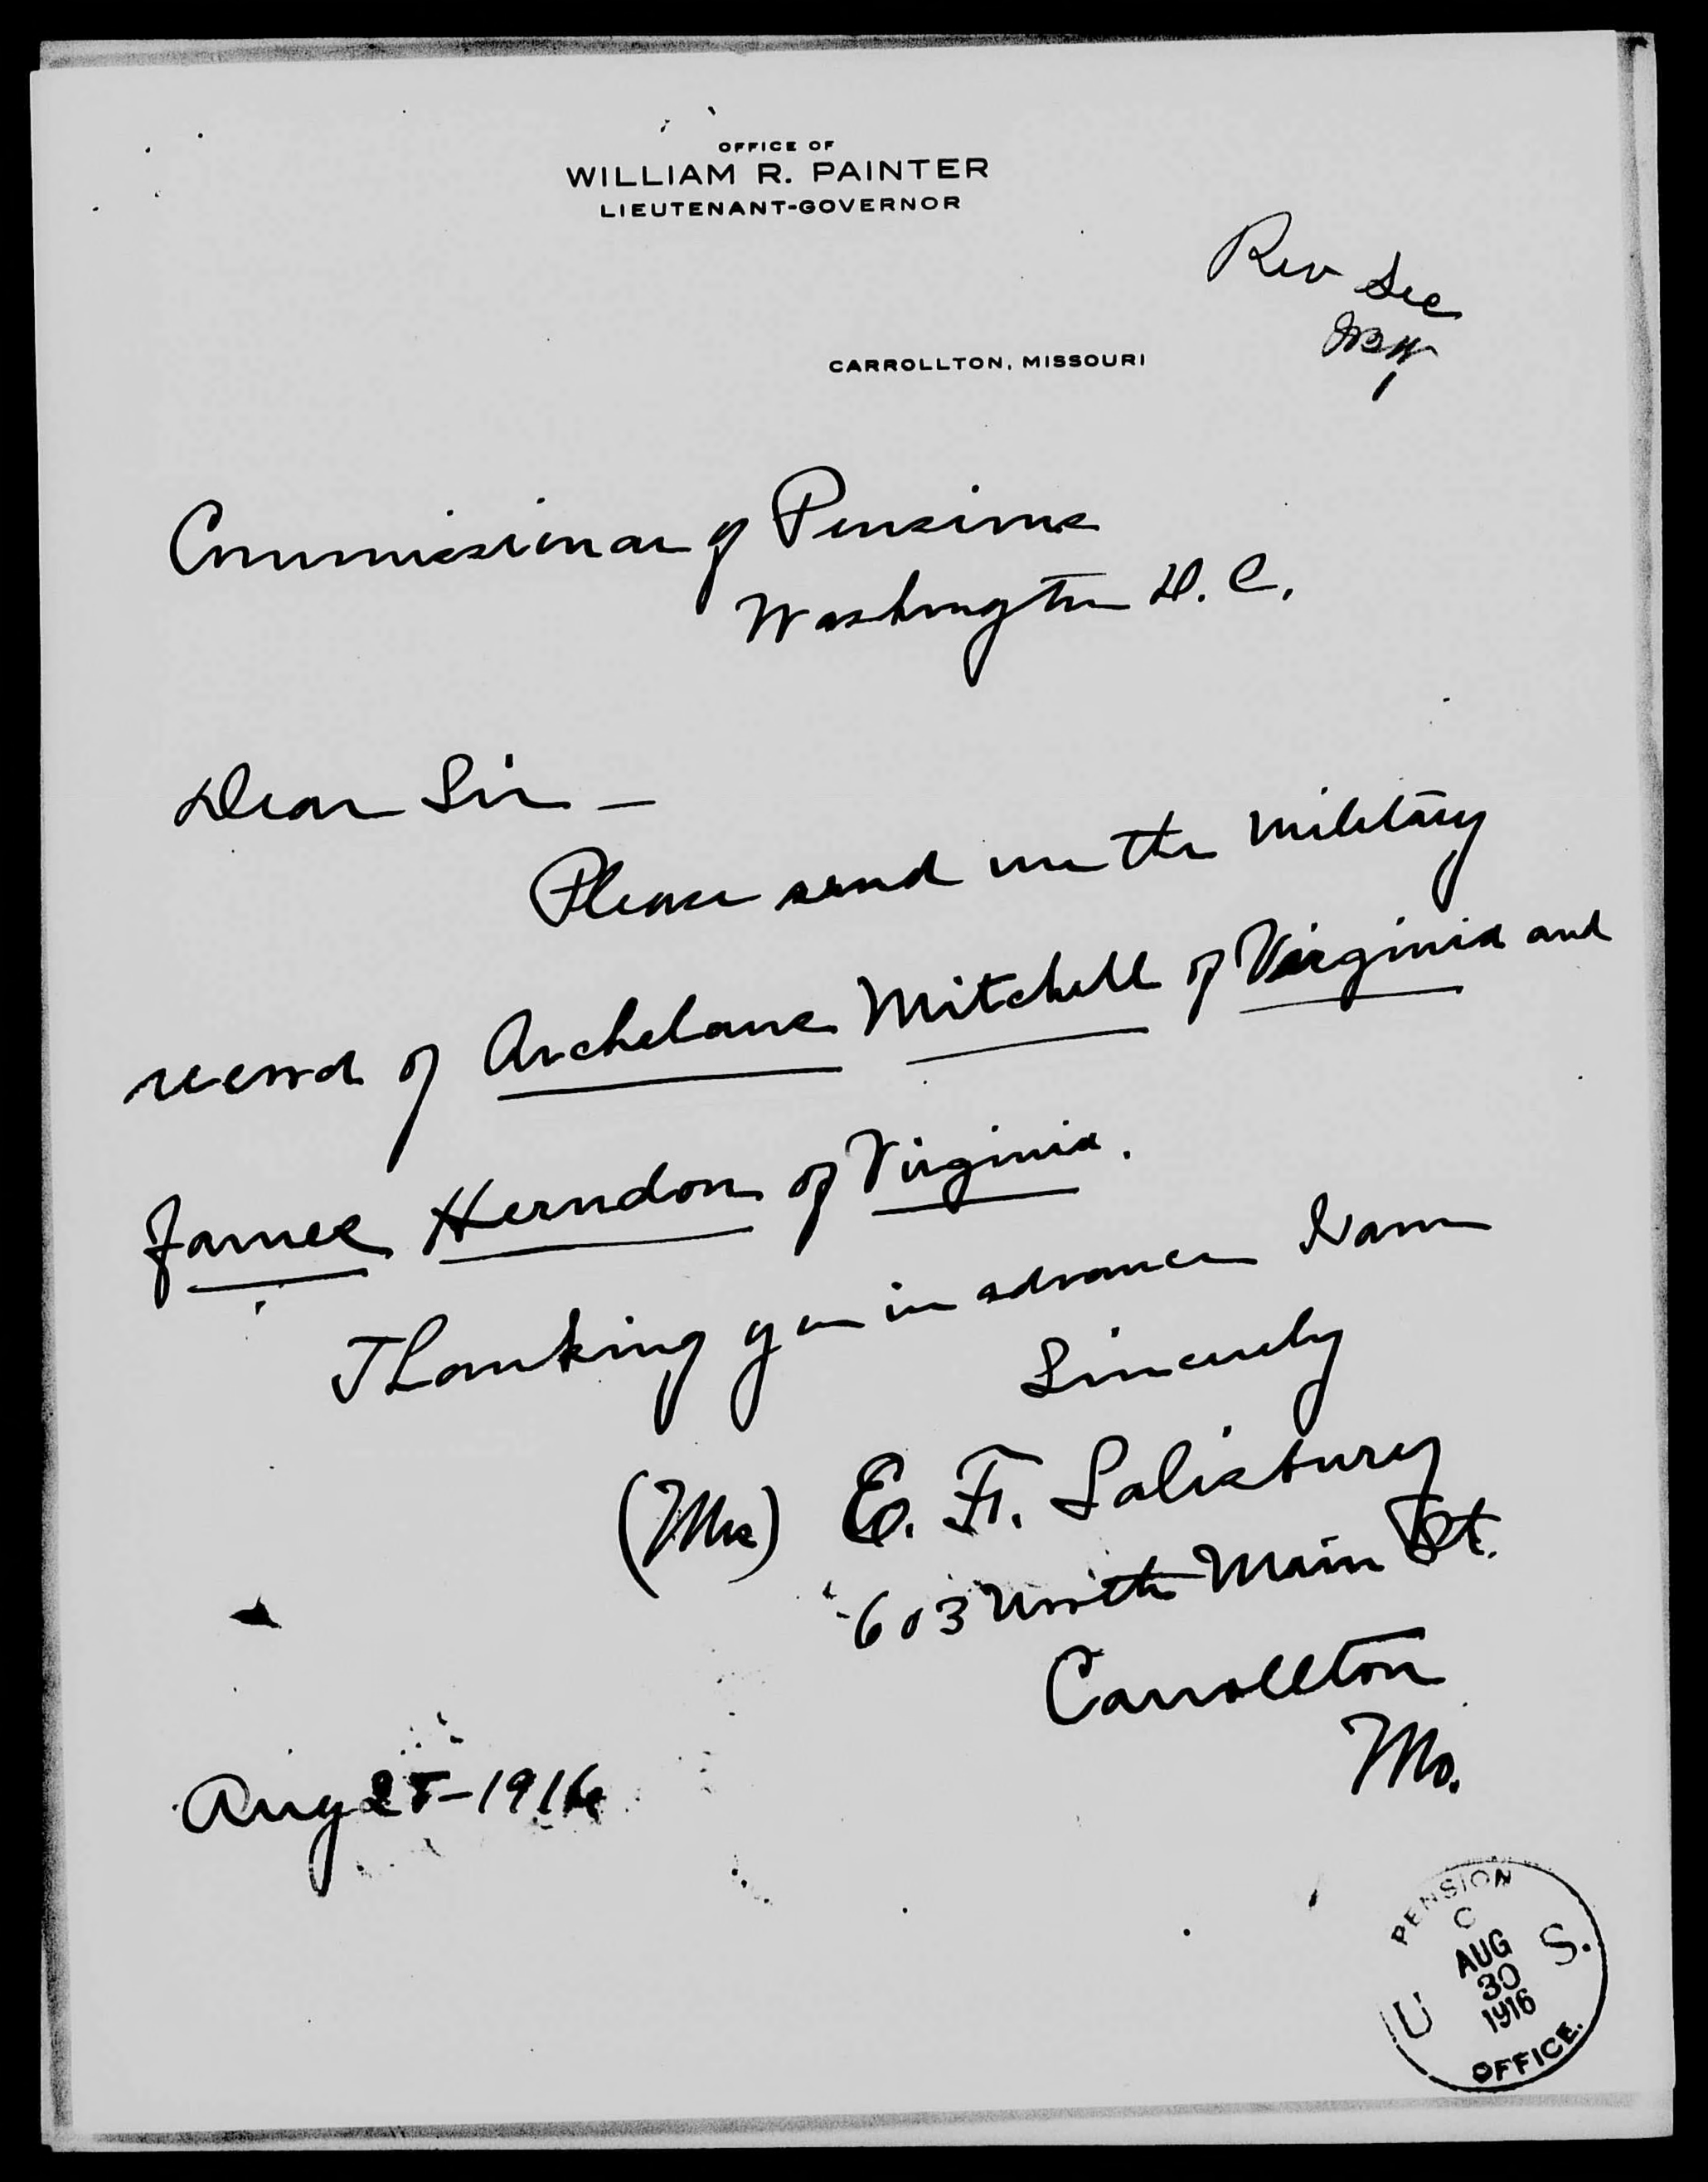OFFICE OF
WILLIAM R. PAINTER
LIEUTENANT-GOVERNOR

CARROLLTON, MISSOURI

Rev Sec
JBW
1

Commissioner of Pensions
Washington D. C.

Dear Sir_

Plese send me the military record of Archelaus Mitchell of Virginia and Farner Herndon of Virginia.

Thanking you in advance I am
Sincerely
(Mrs) E. F. Salisbury
603 North Main St.
Carrollton Mo.

Aug 25 - 1916

U. S.
PENSION OFFICE
O
AUG 30 1916 [ink stamp]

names: E F Salisbury; Archelaus Mitchell; William R Painter; James Herndon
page: 12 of 23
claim: survivor's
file: S. 38226, for Archelaus Mitchell, Virginia